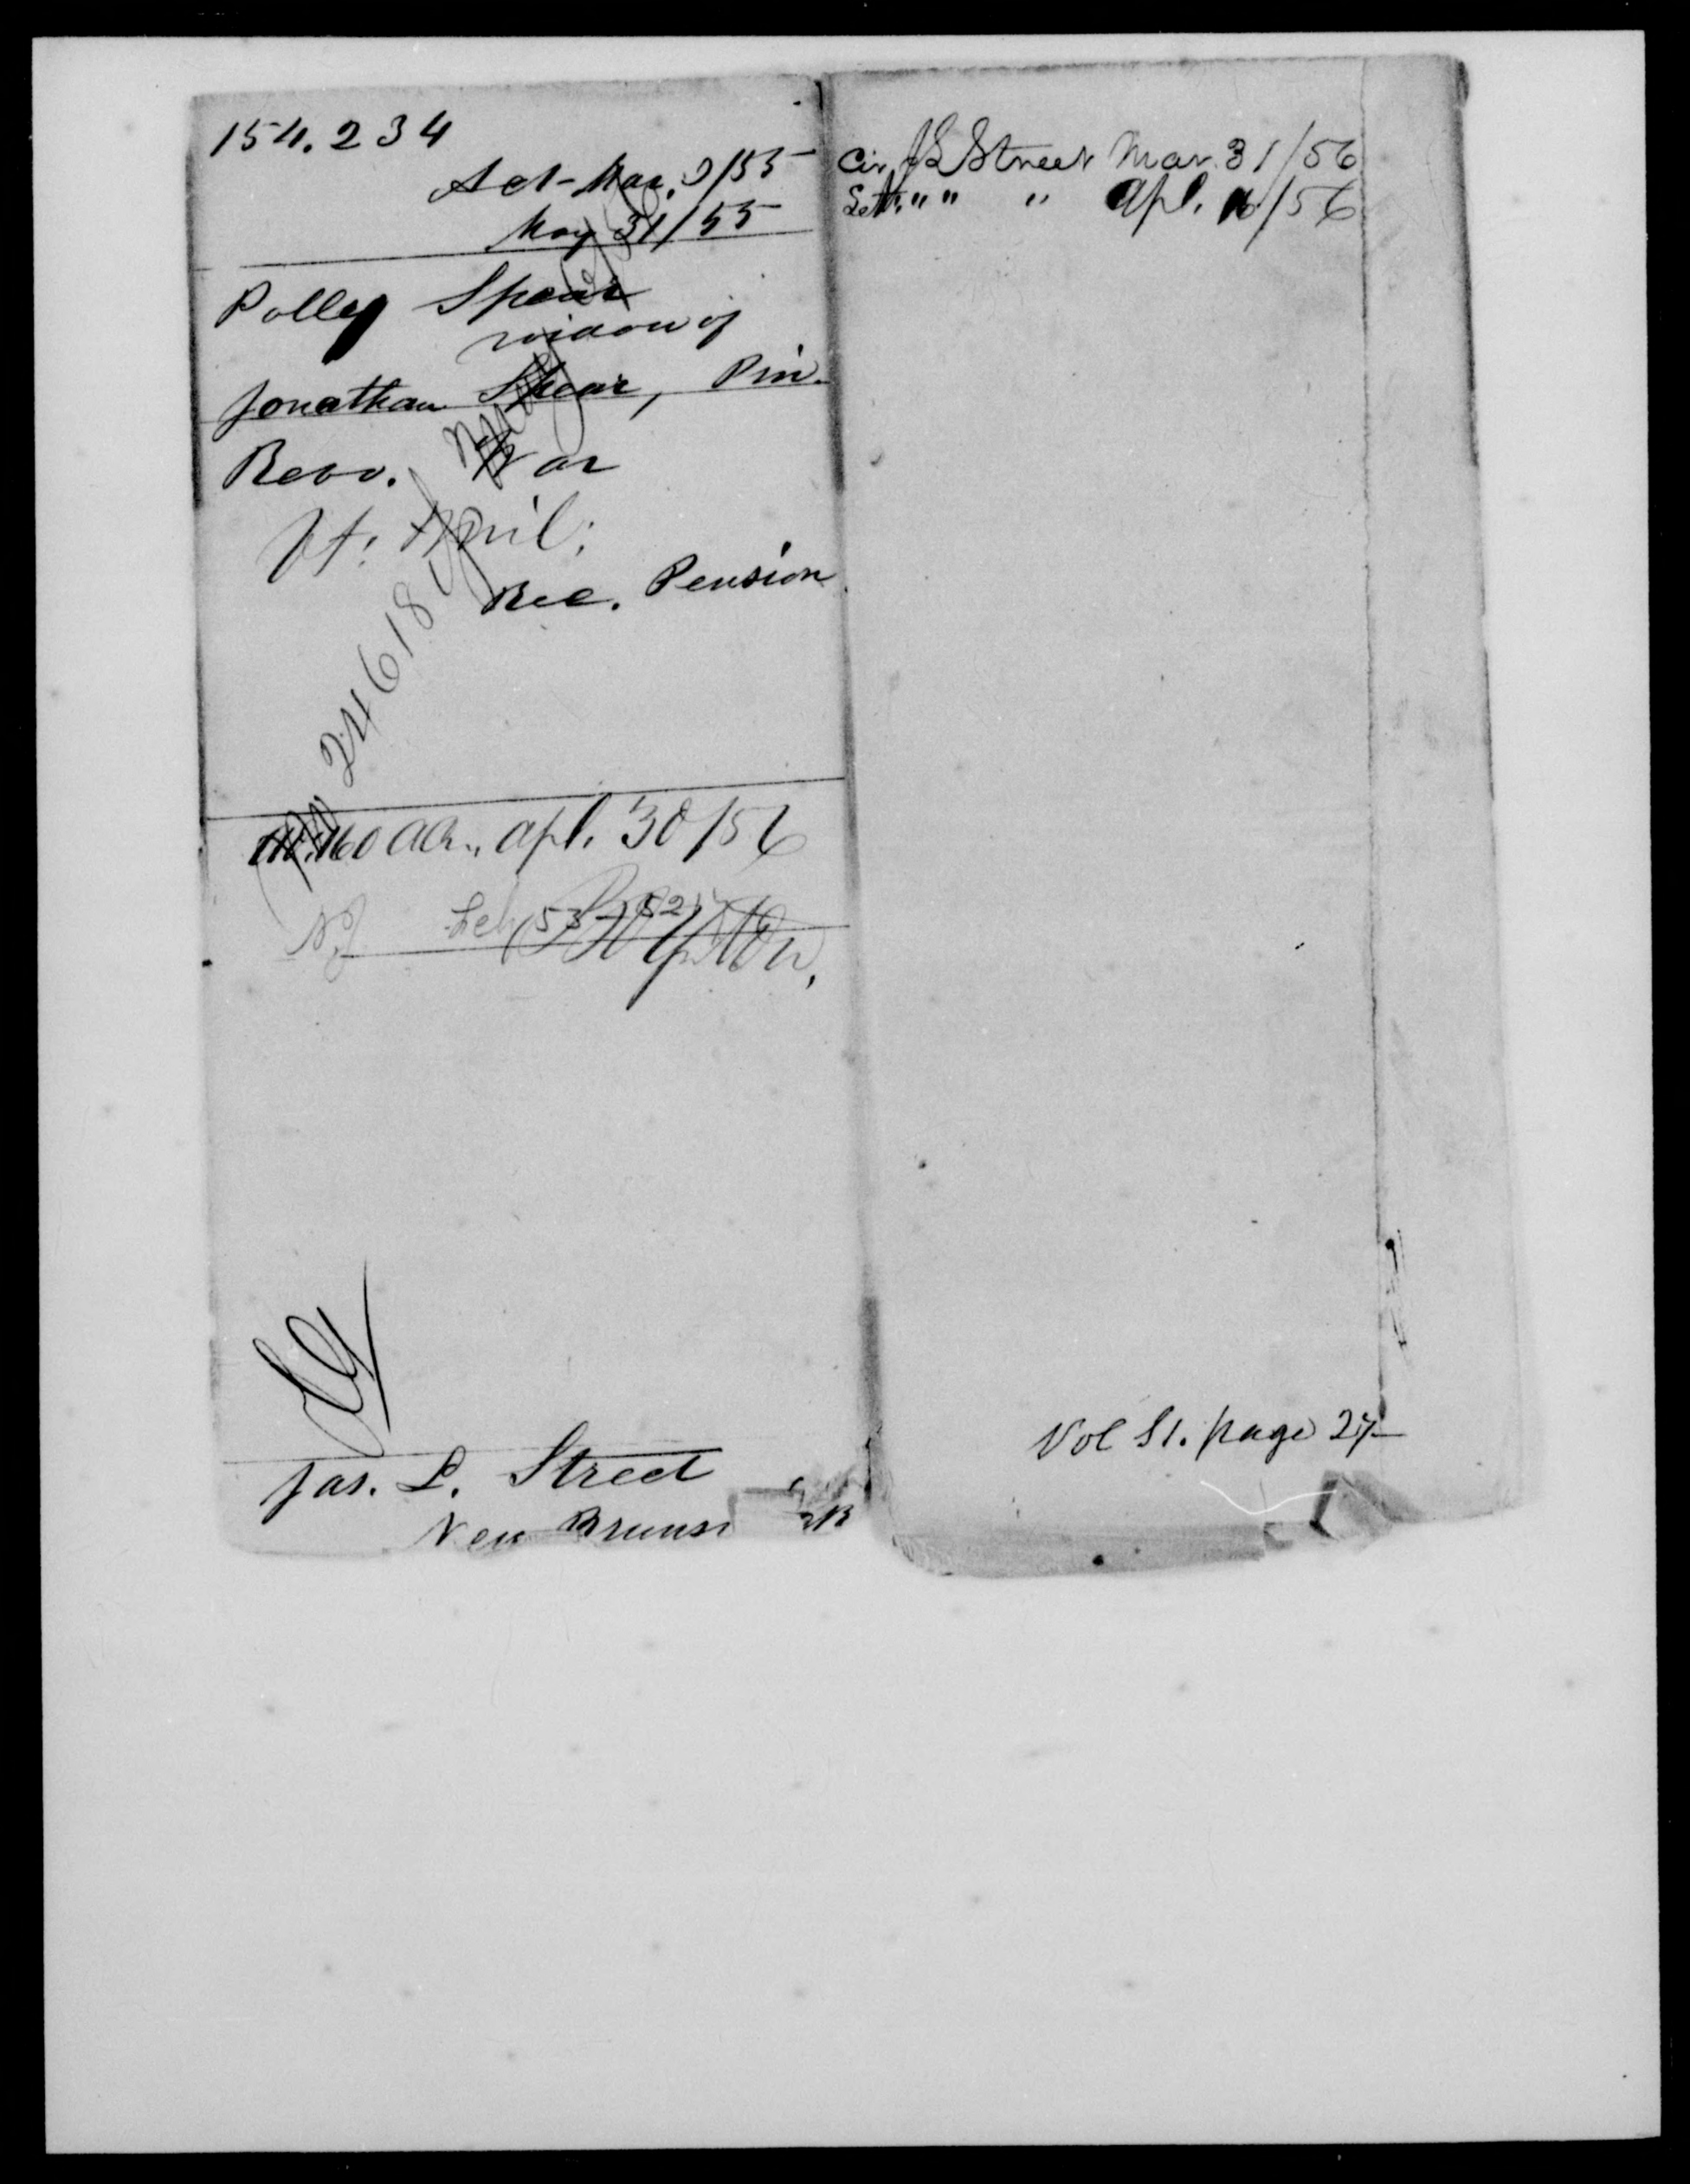154.234
Act Mar 2/53 -
May 31 /53
Polly Spear
widow of
Jonathan Spear, Pri
Revo. War
Vt Mil;
Rev Pension
[ ] Apl. 30 /56
SJ Feby 53-152
Boynton
Jas L Street 
New Brunswick
Cr JS Street
Mar. 31/56
Sept. " " " Apl 16 /56
Vol S1. page 27-
24618 if May 6/56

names: Polly Spear; Jas L Street; [BLANK] Boynton; Jonathan Spear; J L Street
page: 2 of 65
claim: widow's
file: W. 7197, for Jonathan Spear, Vermont